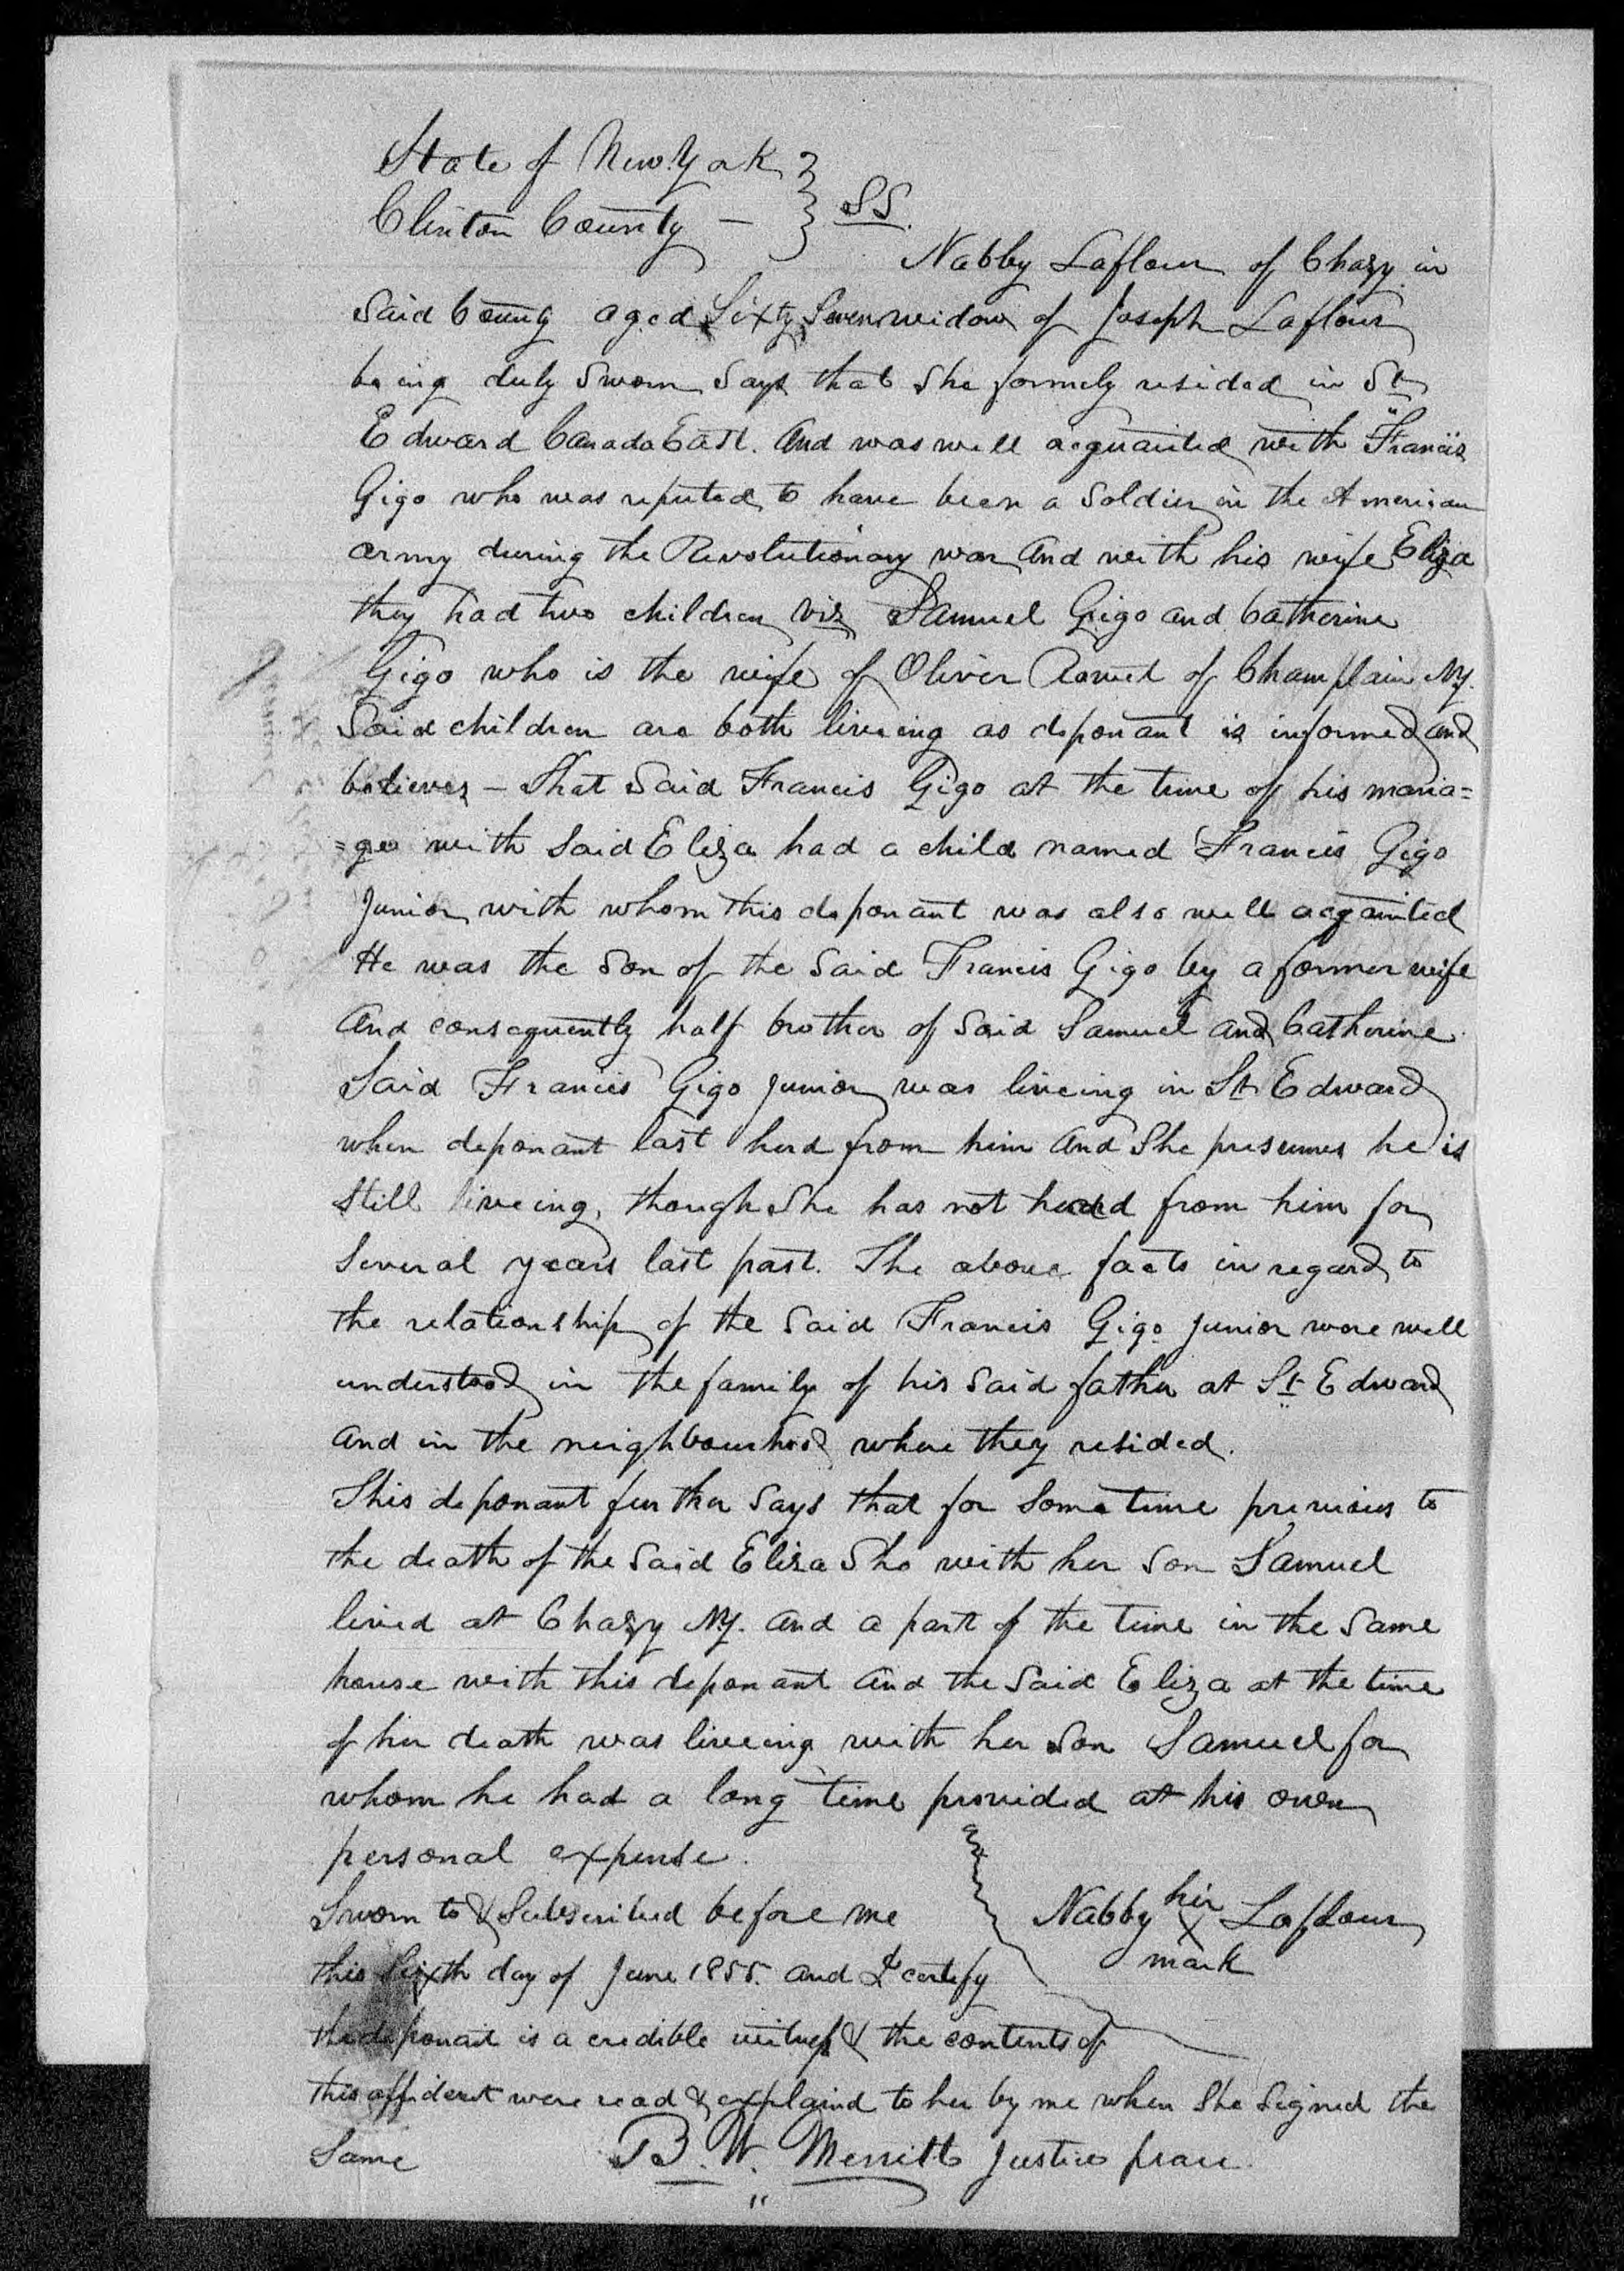[State of New York   Clinton County] SS
Nabby Laflour of Chazy in Said County aged Sixty Seven, widow of Joseph LaFlour , being duly sworn , says that the family resided in St Edward Canada East. And was well acquainted with Francis Gigo who was reputed to have been a soldier in the American army during the Revolutionary war.  And with his wife Eliza, they had two children viz. Samuel Gigo and Catherine Gigo who is the wife of Oliver Paviet of Champlain NY. Said children are both living as deponant is informed and believes - That Said Francis Gigo at the time of his marriage with Said Eliza had a child named Francis Gigo Junior, with whom this deponant was also well acquainted.  He was the son of the said Francis Gigo by a former wife and consequently half brother of said Samuel and Catherine.
Said Francis Gigo Junior was liveing in St. Edward when deponant last herd from him and she presumes he is still liveing though she has not heard from him for several years last past.  The above facts in regard to the relationships of the said Francis Gigo Junior was well understood in the family of his said father at St. Edward and in the neighborhood where they resided.
This deponant further says that for some time previous to the death of the said Elisa she with her son Samuel lived at Chazy NY. and a part of the time in the same house with the deponat and the said Eliza at the time of her death was living with her son Samuel for whom he has a long time provided at his own personal expense.
Nabby (x her mark) Laflour
Sworn to & Subscribed before me this sixth day of June 1855 and I certify the deponant  is a credible witness & the contents of this affidavit were read & explained to her by me when she signed the same.
B. W. Merritt  Justice Peace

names: Francis Gigo, Catherine Gigo, Francis Gigo, Eliza, Francis Gigo, Joseph Laflour, Nabby Laflour, Samuel, Samuel Gigo, B W Merritt, Eliza, Oliver Rowet, Francis Gigo, Eliza, Nabby Laflour, Francis Gigo, Samuel, Samuel, Francis Gigo, Catherine, Eliza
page: 5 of 98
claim: widow's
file: W. 21182, Francis Gigo, Continental (Canadian)